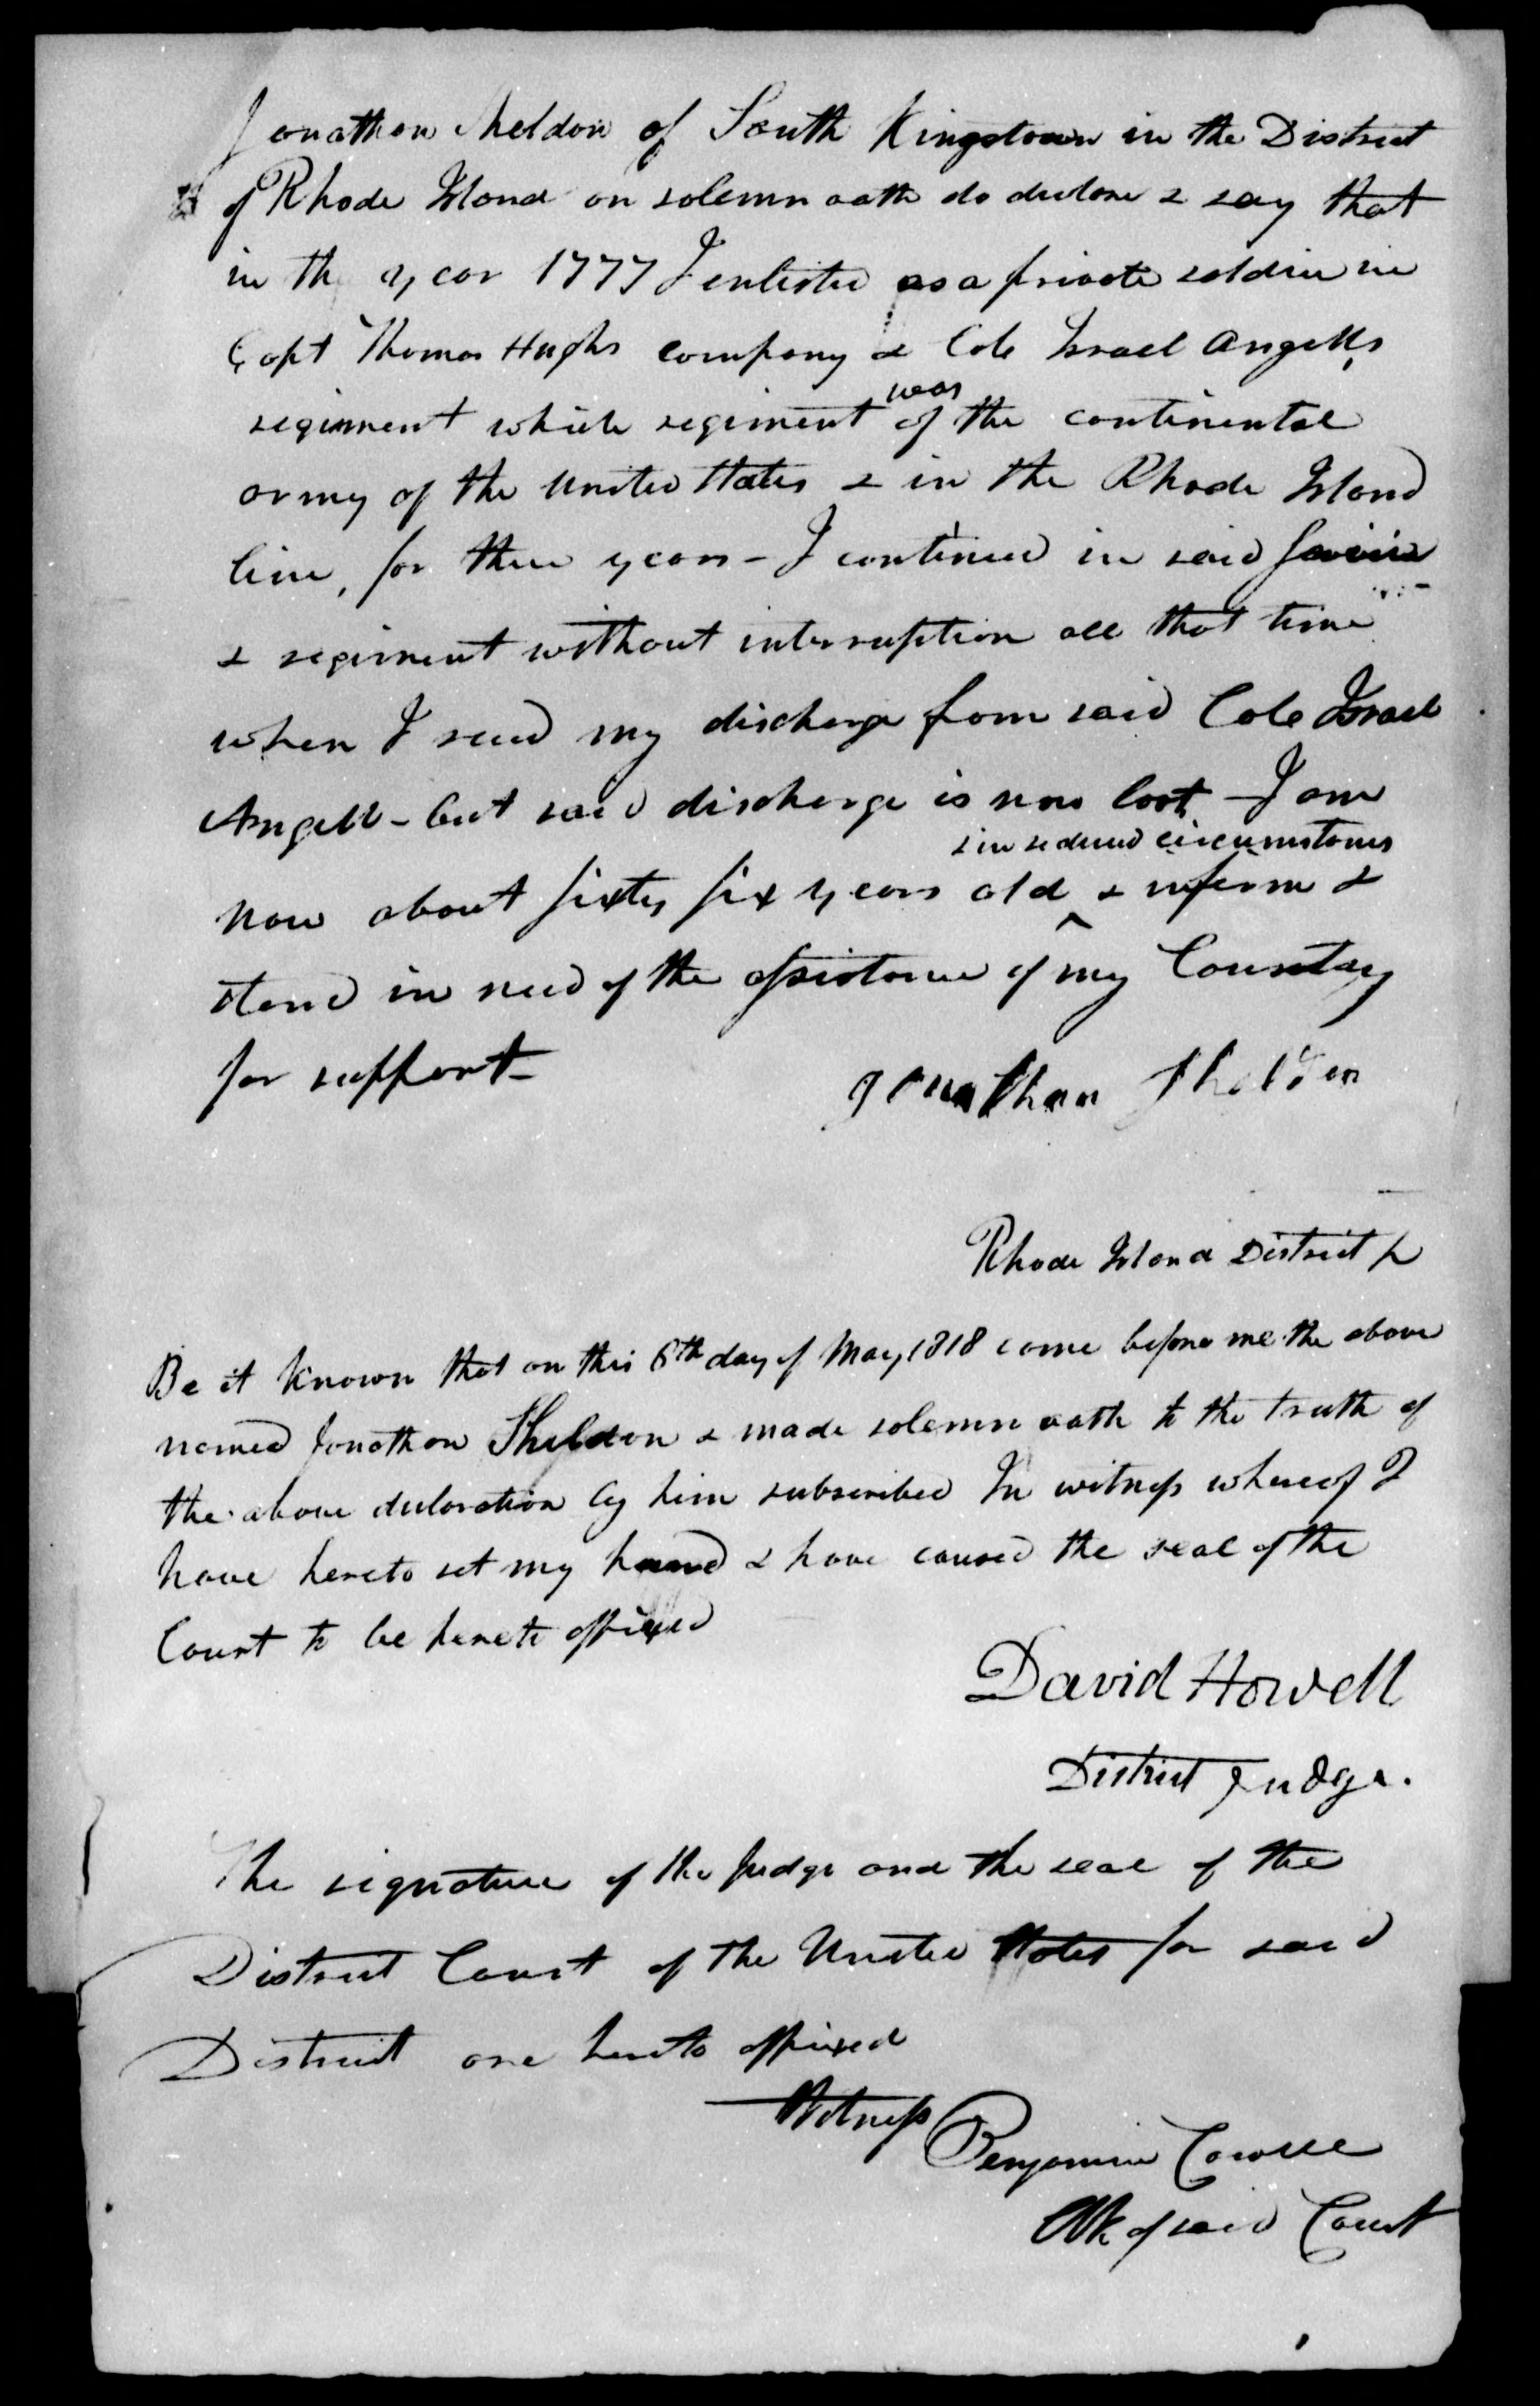Jonathan Sheldon of South Kingstown in the District of Rhode Island on solemn oath do declare & say that in the year 1777 I enlisted as a private soldier in Capt Thomas Hughes Company in Cole Israel Angells regiment which regiment was of the continental army of the United States & in the Rhode Island line, for three years.  I continued in said [ ] & regiment without interruption all that time when I saw my discharge from said Col Israel Angell-but said discharge is now lost & am now about sixty six years old & in reduced circumstancs [circumstances] & infirmed & stand in need of the assistance of my County for support.
Jonathan Sheldon

Rhode Island District 
Be it known that on this 6th day f May 1818 come before me the above named Jonathan Sheldon & made solemn oath to the truth of the above declaration by him subscriber in witness whereof I have hereto set my hand & have caused the seal of the Court to be hereto affixed
David Howell
District Judge

The signature of the judge and the seal of the District Court of the United States for said District are hereto affixed
Witness
Benjamin Cowell
Clk of said Court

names: Jonathan Sheldon; Israel Angell; Israel Angell; Benjamin Cowell; David Howell; Jonothon Sheldon; Jonathan Sheldon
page: 9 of 11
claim: survivor's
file: S. 39840, for Jonathan Sheldon, Rhode Island